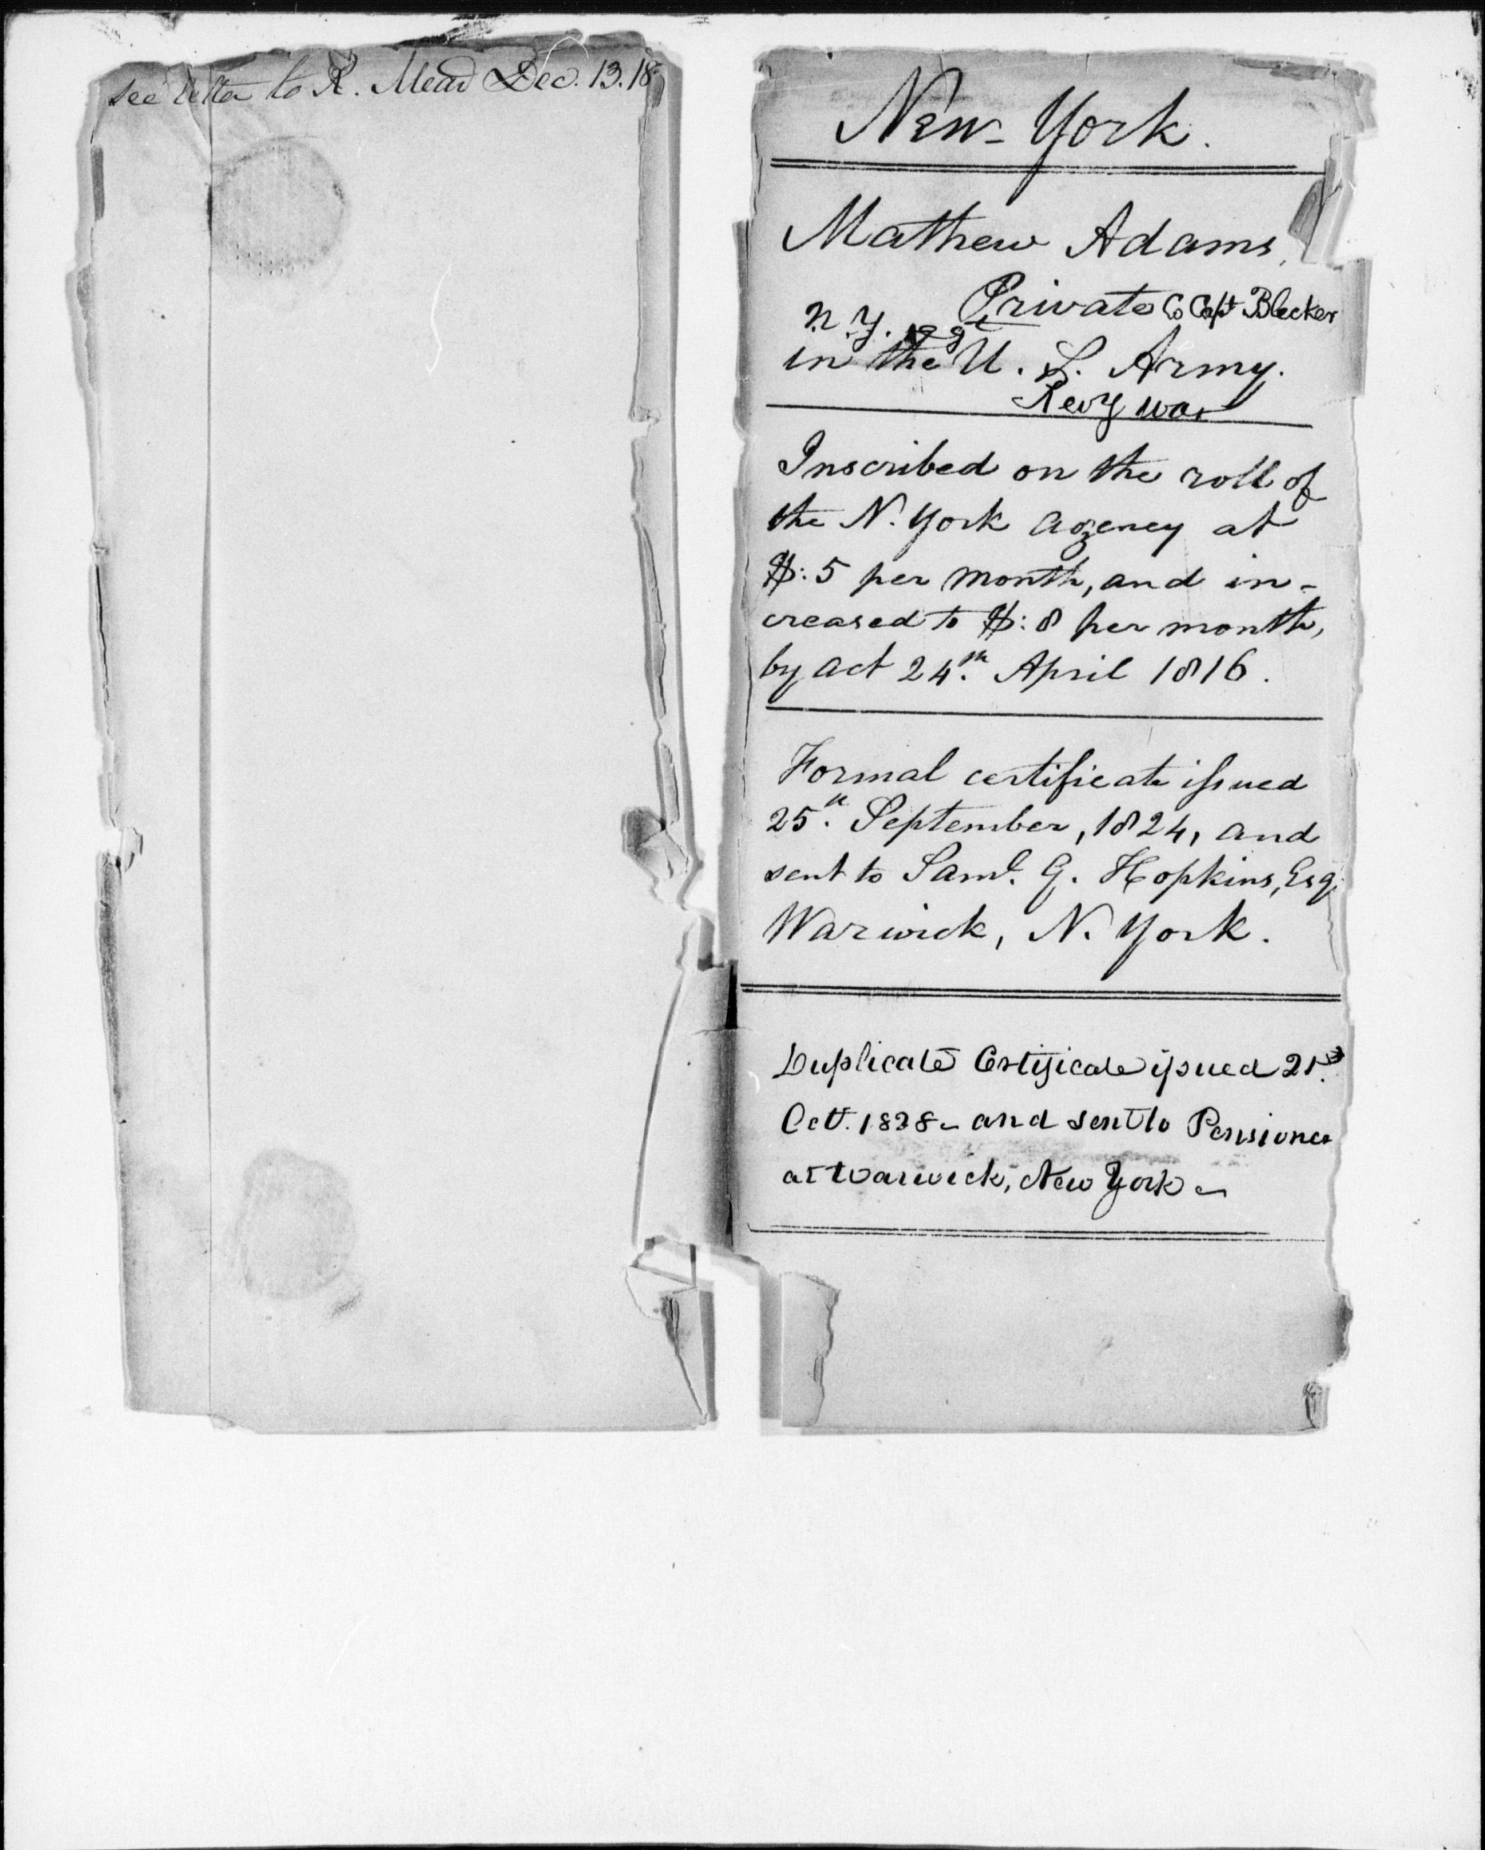New York
Mathew Adams
              Private co. Capt Blecker 
NY ggt in the UL Army
                   Revy War

Inscribed on the roll of the N. York Agency at  $5 per month, and in creased to $8 per month by act 24th April 1816


Formal certificate issued 25th, September 1824 and sent to Sam G. Hopkins esq. Warwick, N. York.

Duplicate Certificate issued 21st October 1898 and  sent to Pensioner at Warwick , New York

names: Saml G Hopkins, Mathew Adams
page: 2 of 13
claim: survivor's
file: S. 28,212, Mathew Adams, New York